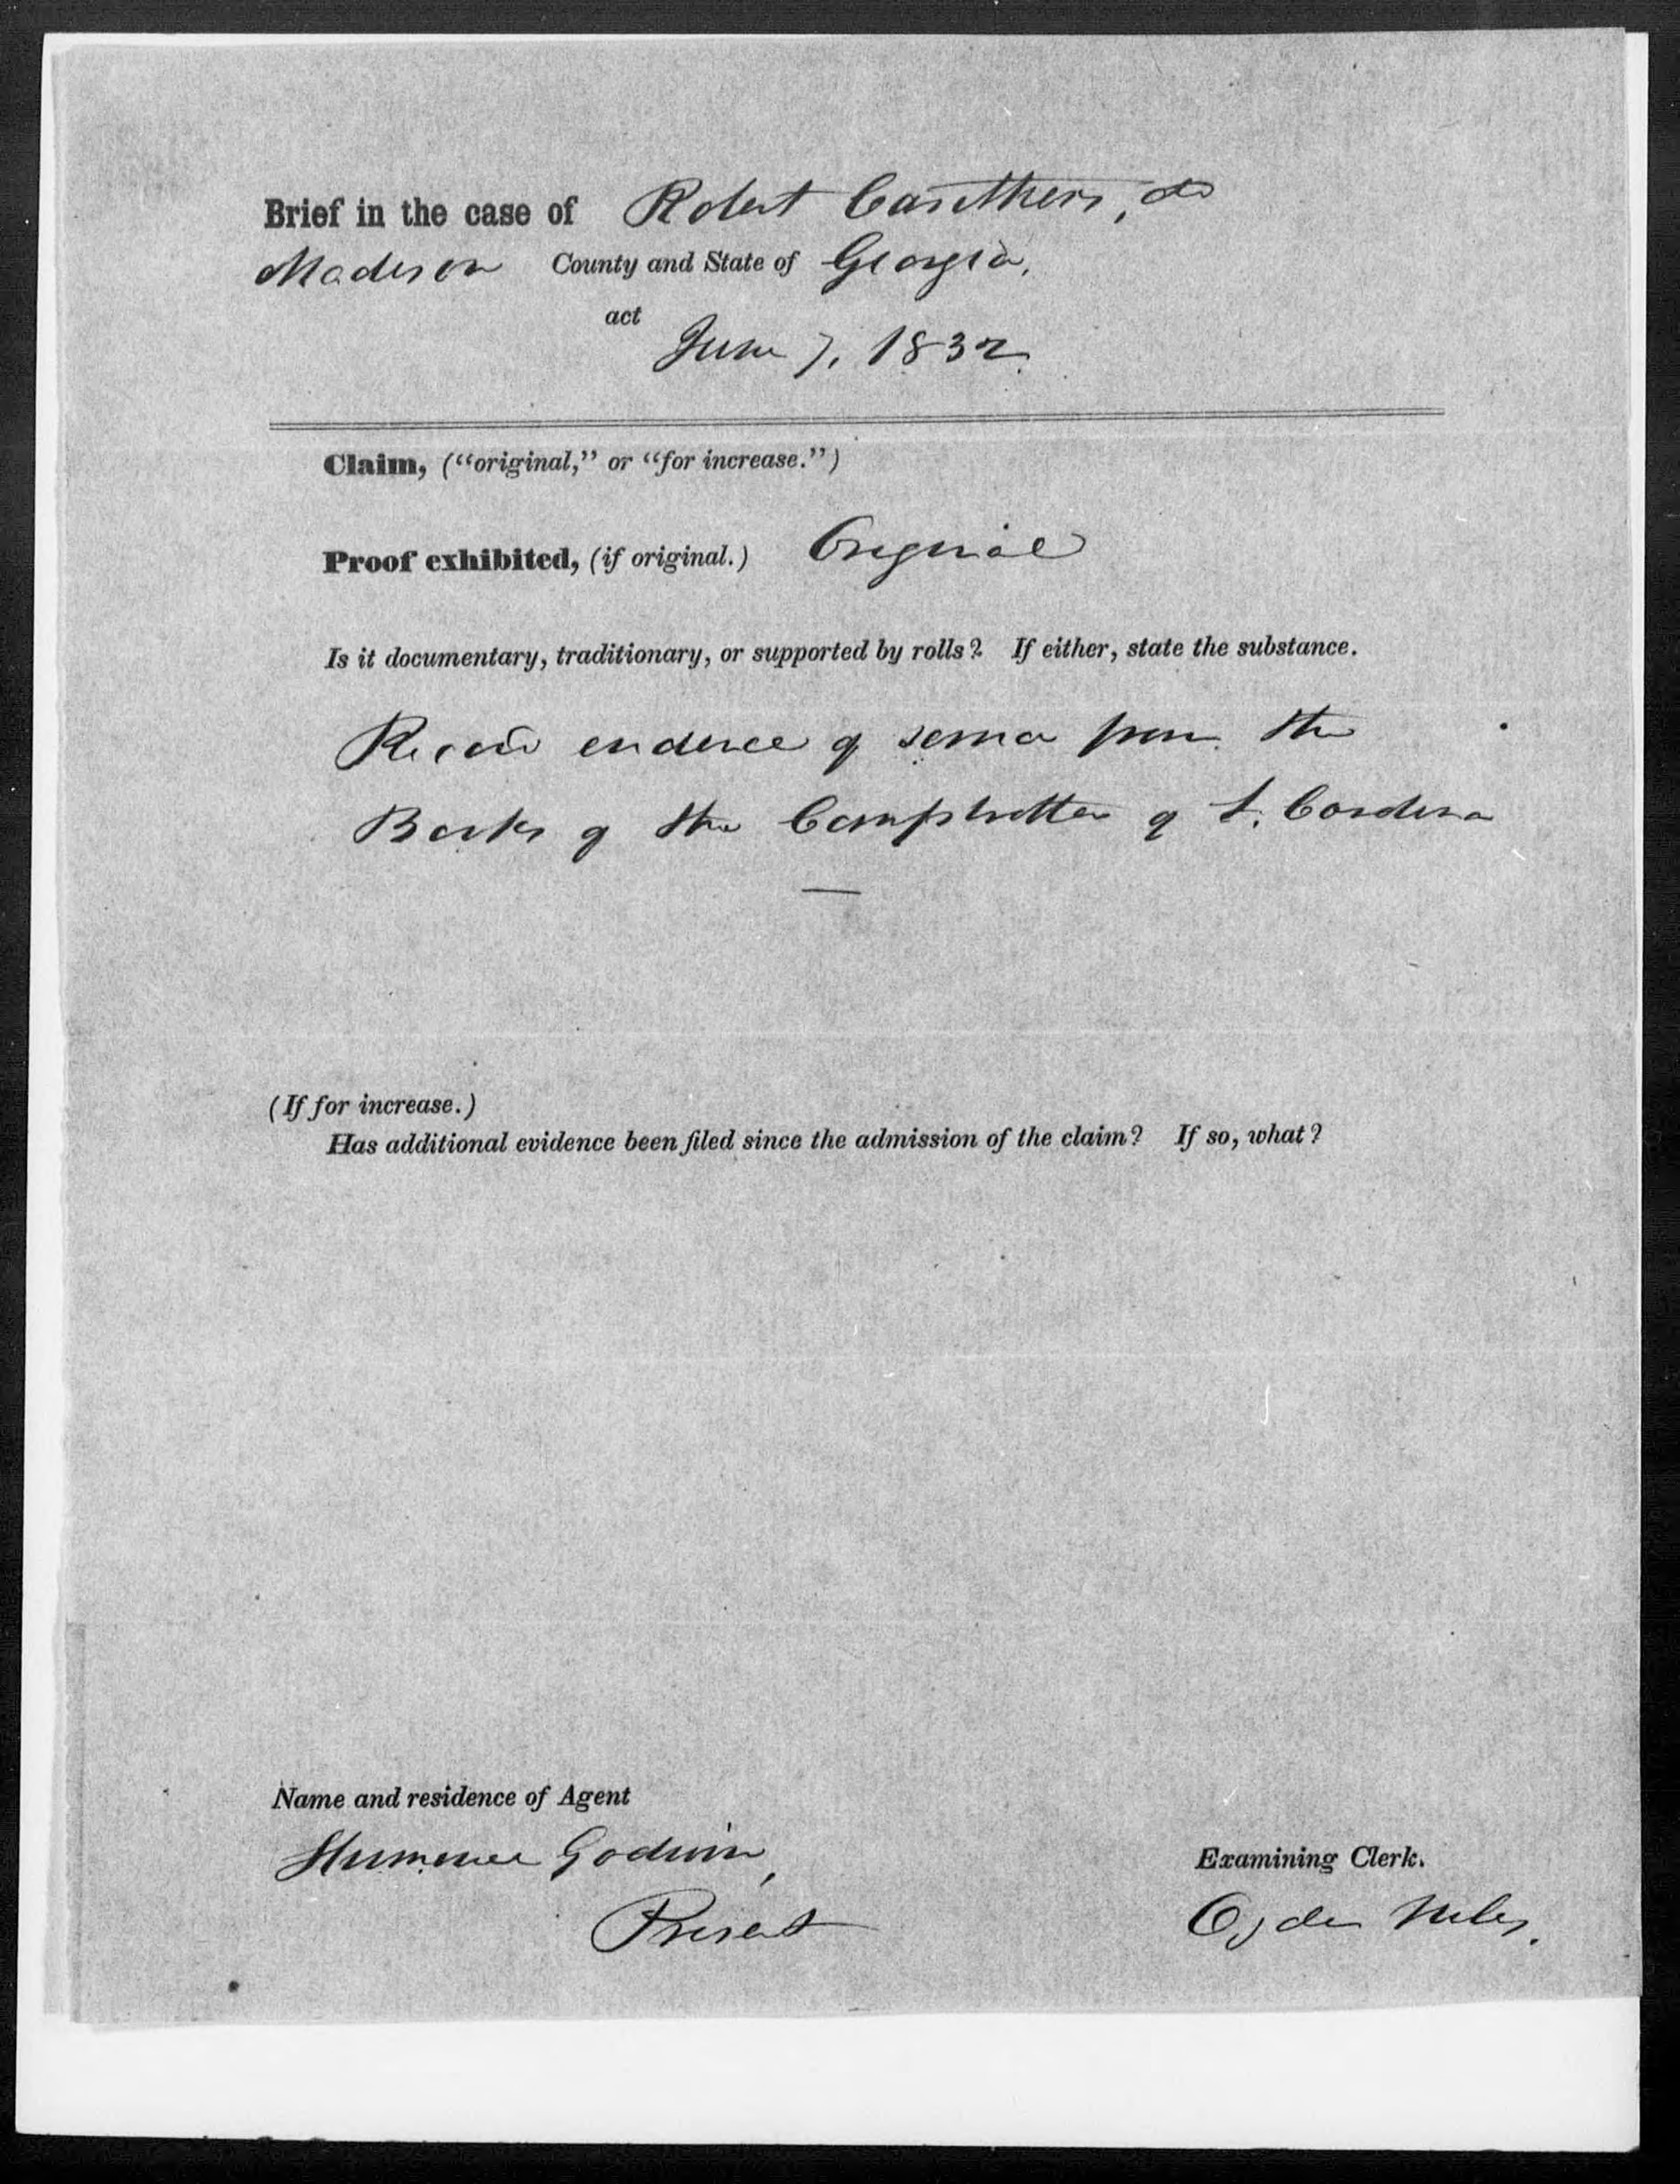Brief in the case of Robert Carithers, [illegible]
Madison County and State of Georgia
act 
June 7, 1832
Claim, ("original," or "for increase.")
Proof exhibited, (if original.) Original

Is it documentary, traditionary, or supported by rolls?  if either, state the substance.
Record evidence of service from the
Books of the Comptroller of S. Carolina

(If for increase.)
Has additional evidence been filed since the admission of the claim?  If so, what?

Name and residence of Agent
Humener Godwin,
[illegible]

Examining Clerk,
Ogden Niles.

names: Skimmel Godwin, Robert Carithers, Ogden Niles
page: 24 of 33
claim: widow's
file: W. 23779, Robert Carithers, S.C.